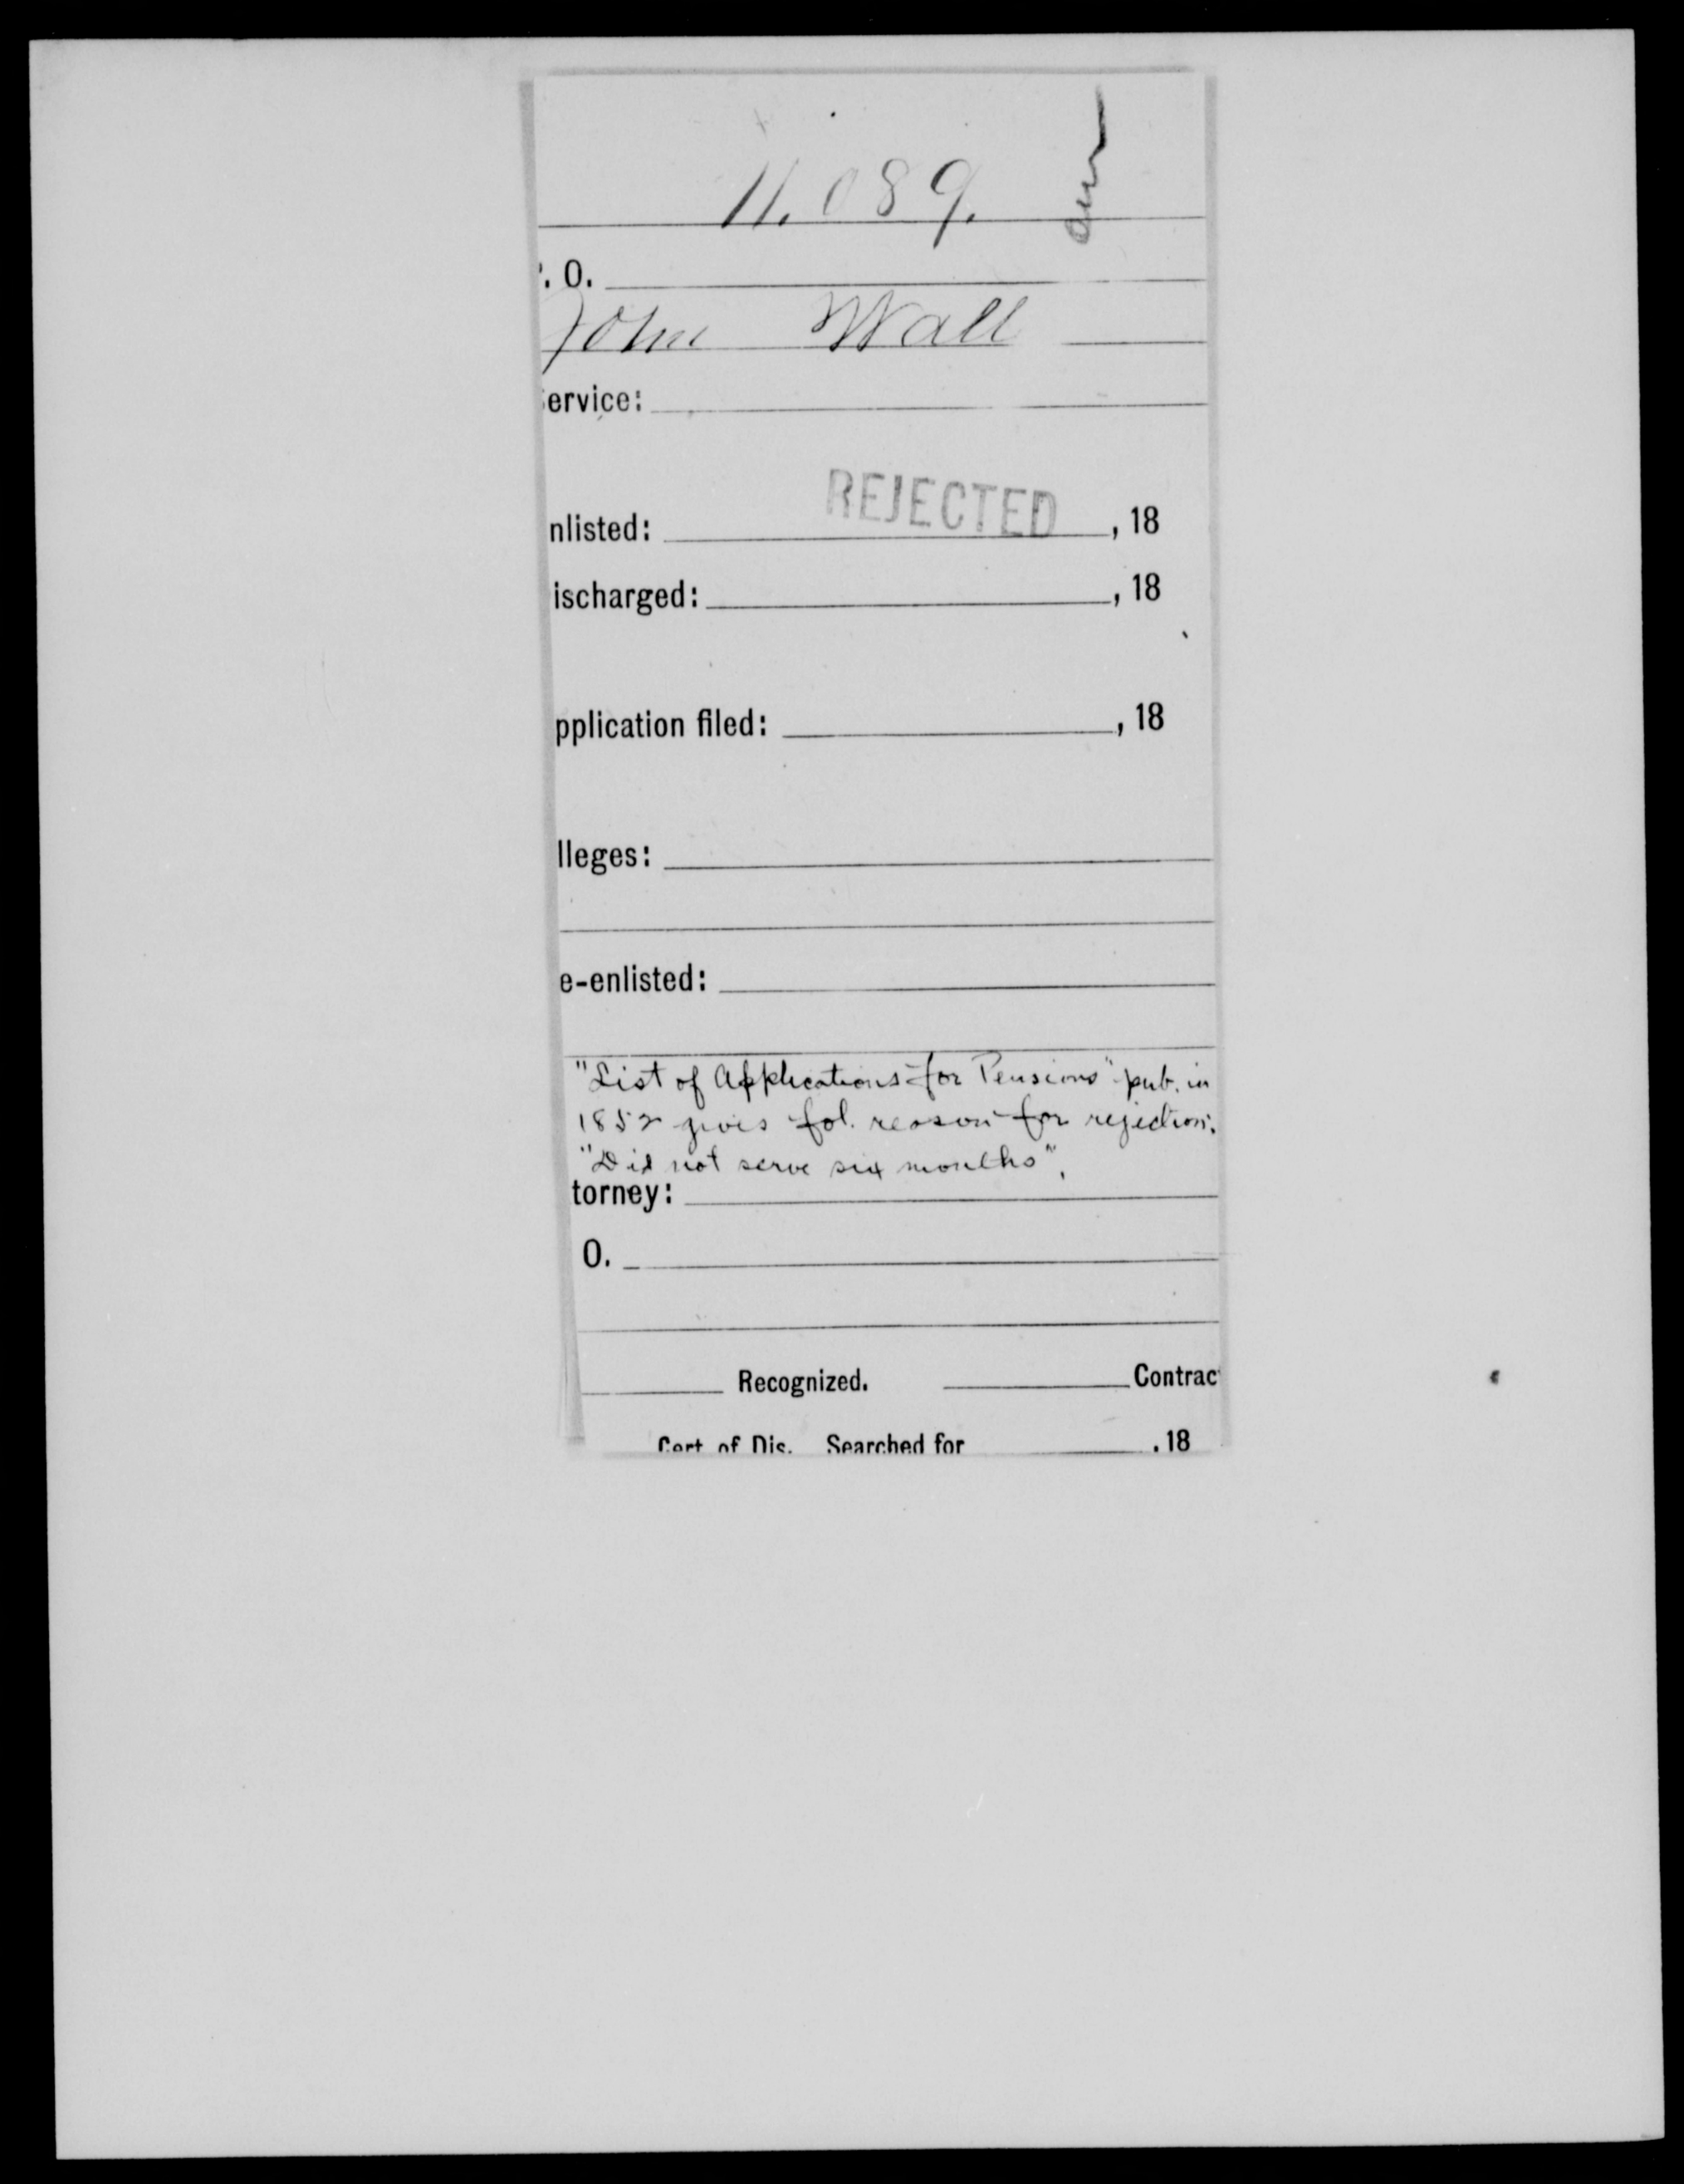11089
John Wall
Rejected
List of application for Pensions" pub, in
1852 gives fol. reason for rejection,
"Did not serve six months"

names: John Wall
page: 6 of 11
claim: rejected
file: R. 11089, John Wall, Va.